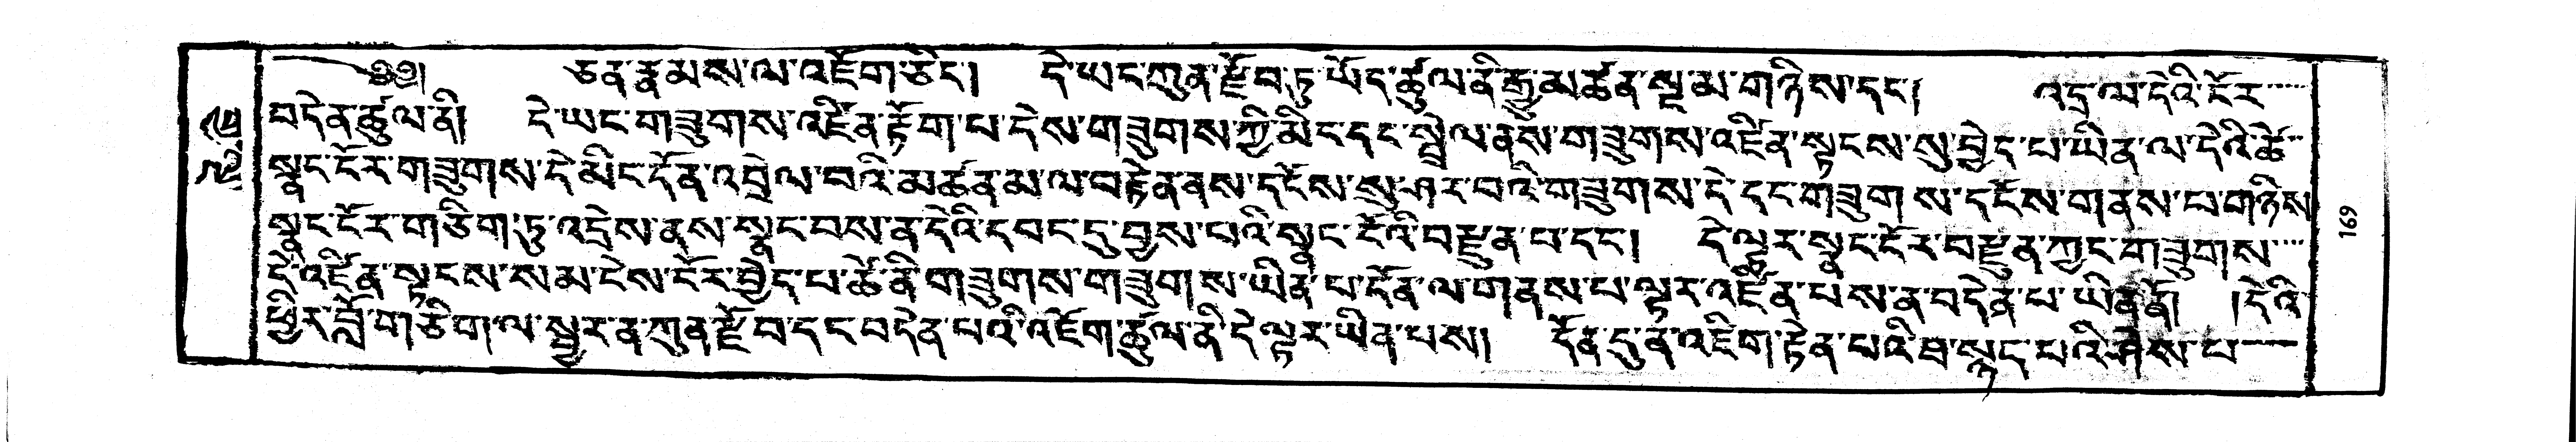༄༅། །ཅན་རྣམས་ལ་འཇོག་ཅིང་། དེ་ཡང་ཀུན་རྫོབ་ཏུ་ཡོད་ཚུལ་ནི་རྒྱུ་མཚན་སྔ་མ་གཉིས་དང་། འདྲ་ལ་དེའི་ངོར་
བདེན་ཚུལ་ནི། དེ་ཡང་གཟུགས་འཛིན་རྟོག་པ་དེས་གཟུགས་ཀྱི་མིང་དང་སྦྲེལ་ནས་གཟུགས་འཛིན་སྟངས་སུ་བྱེད་པ་ཡིན་ལ་དེའི་ཚེ་
སྣང་ངོར་གཟུགས་དེ་མིང་དོན་འབྲེལ་བའི་མཚན་མ་ལ་བརྟེན་ནས་དངོས་སུ་ཤར་བའི་གཟུགས་དེ་དང་གཟུགས་དངོས་གནས་པ་གཉིས་
སྣང་ངོར་གཅིག་ཏུ་འདྲེས་ནས་སྣང་བས་ན་དེའི་དབང་དུ་བྱས་པའི་སྣང་ངོའི་བརྫུན་པ་དང་། དེ་ལྟར་སྣང་ངོར་བརྫུན་ཀྱང་གཟུགས་
དེ་འཛིན་སྟངས་སམ་ངེས་ངོར་བྱེད་པ་ཚེ་ནི་གཟུགས་གཟུགས་ཡིན་པ་དོན་ལ་གནས་པ་ལྟར་འཛིན་པས་ན་བདེན་པ་ཡིན་ནོ། །དེའི་
ཕྱིར་བློ་གཅིག་ལ་སྦྱར་ན་ཀུན་རྫོབ་དང་བདེན་པའི་འཇོག་ཚུལ་ནི་དེ་ལྟར་ཡིན་པས། དོན་དུ་ན་འཇིག་རྟེན་པའི་ཐ་སྙད་པའི་ཤེས་པ་